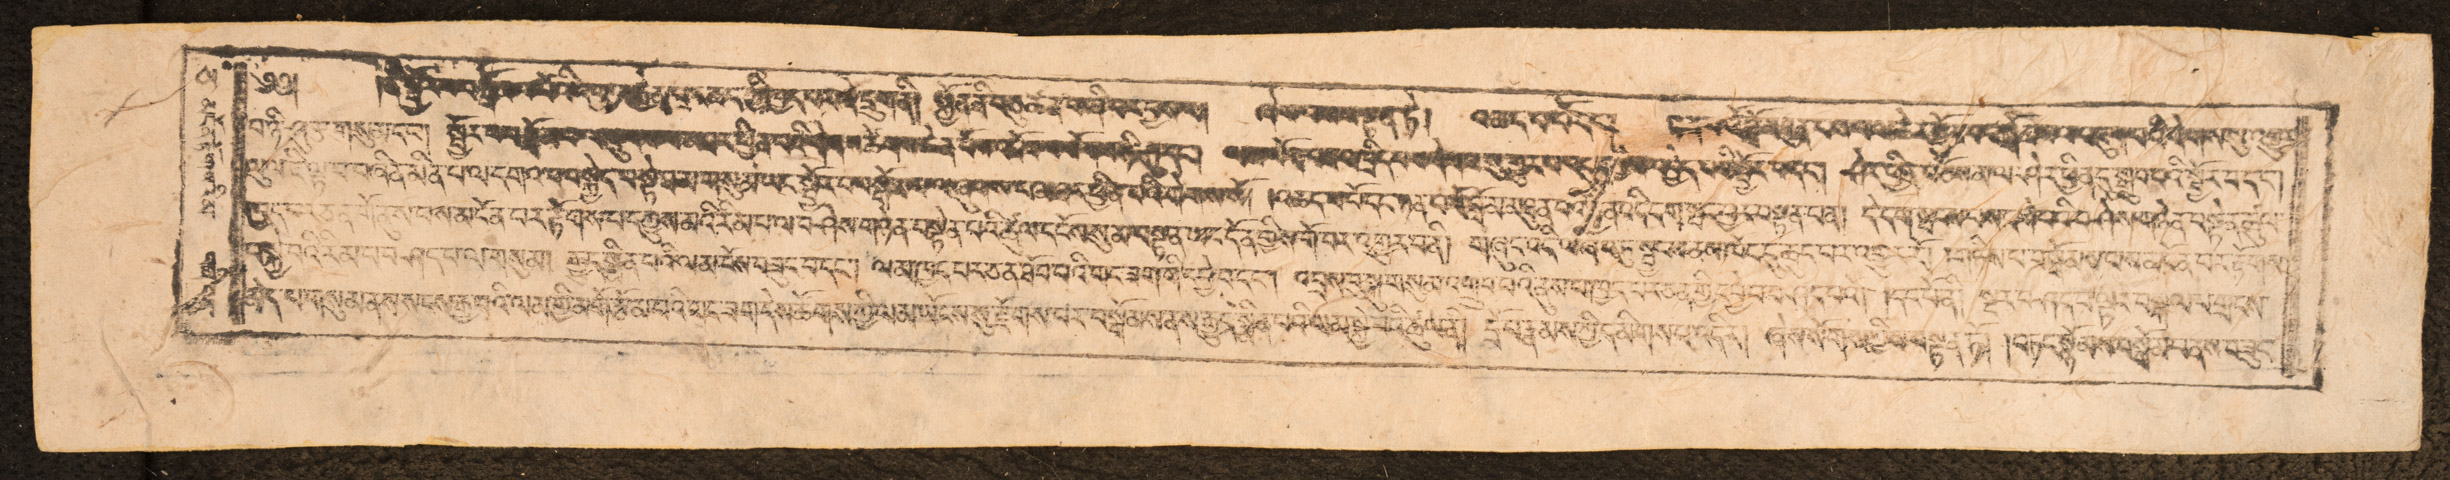༄༅། །ནི་སྦྱོར་བ་བསྒོམ་པ་པོའི་འགལ་རྐྱེན་བར་ཆད་ཀྱི་ཁྱད་པར་ཞེ་དྲུག་ནི། སྐྱོན་ནི་བཅུ་ཚན་བཞི་པར་བྱས་པ། ཞེས་པས་བསྟན་ཏེ། འཆད་པ་པོ་དང་། ཉན་པ་པོ་བློ་མཐུན་པས་ཕལ་ཆེར་སྦྱོར་བ་བསྒོམ་པ་ལ་འཇུག་པའི་གེགས་སུ་འགྱུར་
བ་ཉི་ཤུ་རྩ་གསུམ་དང་། སྦྱོར་བ་བསྒོམ་པ་ལ་ཞུགས་པ་མཐར་ཕྱིན་པའི་གེགས་ཚེགས་ཆེན་པོས་འཐོབ་པ་སོགས་ཉི་ཤུ་དང་། ལམ་ལོག་པར་འཁྲིད་པས་གེགས་སུ་གྱུར་པ་བདུད་ཀྱིས་འབྱེད་པའི་སྦྱོར་བ་དང་། ཤེར་ཕྱིན་བཅོས་མ་ལ་ཤེར་ཕྱིན་དུ་སྒྲུབ་པའི་སྦྱོར་བ་དང་།
ཡུལ་ཇི་ལྟ་བ་བཞིན་མིན་པ་ལ་དགའ་བ་བསྐྱེད་པ་སྟེ་ཐ་མ་གསུམ་ཡང་སྦྱོར་བ་བསྒོམ་པ་ལ་ཞུགས་པ་མཐར་ཕྱིན་པའི་གེགས་སོ། །འཆད་པ་པོ་དང་ཉན་པ་པོ་བློ་མ་མཐུན་པའི་སྐྱོན་འདི་དག་སྤང་བྱར་བསྟན་པ་ན། དེ་དག་སྤངས་པས་དགེ་བའི་བཤེས་གཉེན་བསྟེན་ཚུལ་
ཁྱད་པར་ཅན་གོ་ནུས་པས་མངོན་པར་རྟོགས་པ་དཀྱུས་མའི་རིམ་པ་ལ་བཤེས་གཉེན་བསྟེན་པའི་ཚུལ་དངོས་སུ་མ་བསྟན་ཡང་དོན་གྱིས་གོ་བར་འགྱུར་བ་ནི། གཞུང་འདི་ལ་ཞིབ་ཏུ་སྦྱངས་ནས་ཁོང་དུ་ཆུད་པར་འགྱུར་རོ། །གཉིས་ལ་བསྒོམས་པས་མངོན་པར་རྟོགས་
པ་སྐྱེ་བའི་རིམ་པ་བཤད་པ་ལ་གསུམ། རྒྱུད་སྨིན་པའི་ལམ་ངོས་བཟུང་བ་དང་། ལམ་ཁྱད་པར་ཅན་ཐོབ་པའི་གང་ཟག་གི་དབྱེ་བ་དང་། འབྲས་བུ་སྐུ་གསུམ་འགྲུབ་པའི་ནུས་པ་ཁྱད་པར་ཅན་གྱི་དབྱེ་བ་བཤད་པའོ། །དང་པོ་ནི། སྔར་བཤད་པ་ལྟར་བསྐལ་པ་གྲངས་
མེད་པ་གསུམ་ནས་སངས་རྒྱ་བའི་ལམ་གྱི་མགོ་རྩོམ་པའི་གང་ཟག་དེས་ཚོགས་ཀྱི་ལམ་ཡོངས་སུ་རྫོགས་པར་བསྒོམས་ནས་རྒྱུད་སྨིན་པའི་ལམ་སྐྱེ་བའི་ཚུལ་ནི། དྲོ་བ་རྣམས་ཀྱི་དམིགས་པ་འདིར། ཞེས་སོགས་ཀྱིས་བསྟན་ཏོ། །བཏང་སྙོམས་བསྒོམ་པ་ནས་བཟུང་